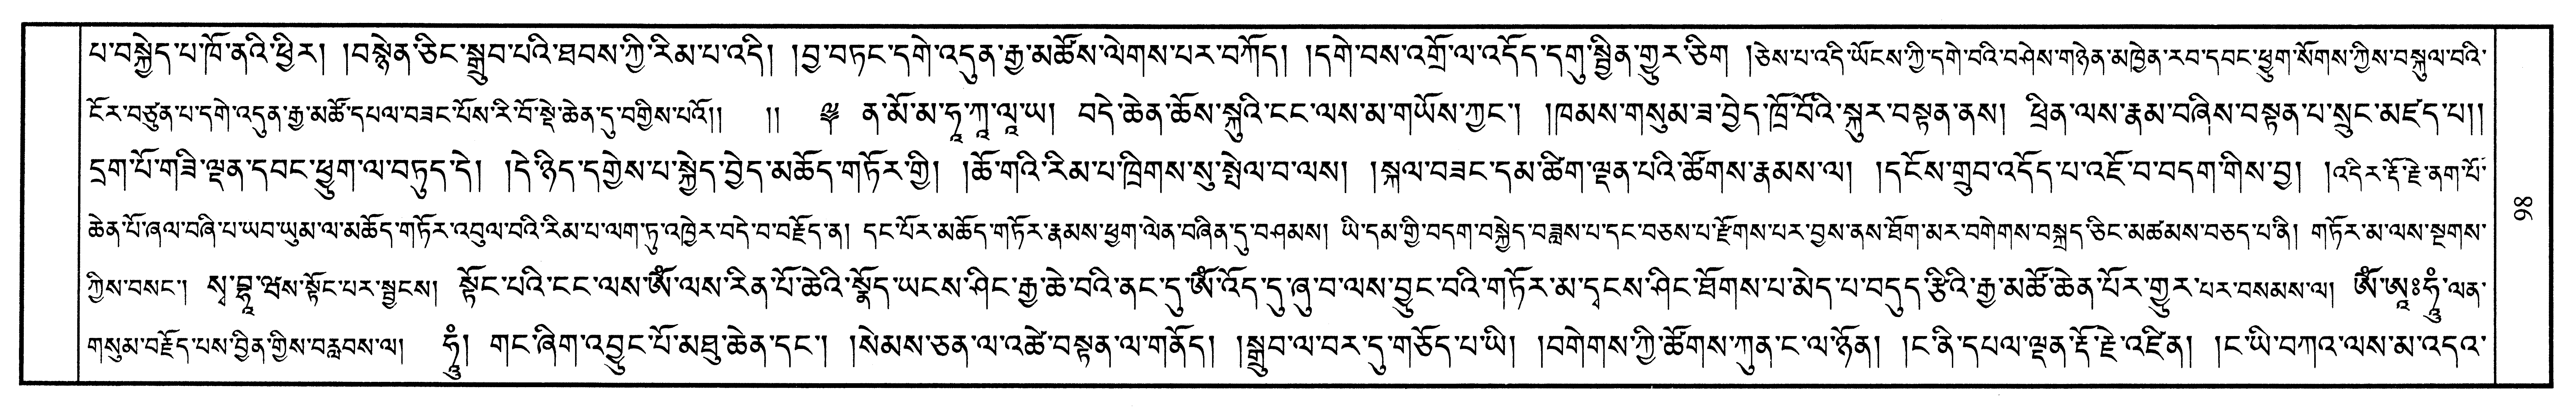པ་བསྐྱེད་པ་ཁོ་ནའི་ཕྱིར། །བསྙེན་ཅིང་སྒྲུབ་པའི་ཐབས་པ་འདི། །བྱ་བཏང་དགེ་འདུན་རྒྱ་མཚོས་ལེགས་པར་བཀོད་།དགེ་བས་འགྲོ་ལ་འདོད་དགུ་སྦྱིན་གྱུར་ཅིག །ཅེས་པ་འདི་ཡོངས་ཀྱི་དགེ་བའི་བཤེས་གཉེན་མཁྱེན་རབ་དབང་ཕྱུག་སོགས་ཀྱིས་བསྐུལ་བའི་
ངོར་བཙུན་པ་དགེ་འདུན་རྒྱ་མཚོ་དཔལ་བཟང་པོས་རི་བོ་སྡེ་ཆེན་དུ་བགྱིས་པའོ།། །། ༈ ན་མོ་མ་ཧཱ་ཀཱ་ལཱ་ཡ། བདེ་ཆེན་ཆོས་སྐུའི་ངང་ལས་མ་གཡོས་ཀྱང་། །ཁམས་གསུམ་ཟ་བྱེད་ཁྲོ་བོའི་སྐུར་བསྟན་ནས། ཕྲིན་ལས་རྣམ་བཞིས་བསྟན་པ་སྲུང་མཛད་པ།།
དྲག་པོ་གཟི་ལྡན་དབང་ཕྱུག་ལ་བཏུད་དེ། །དེ་ཉིད་དགྱེས་པ་སྐྱེད་བྱེད་མཆོད་གཏོར་གྱི། །ཆོ་གའི་རིམ་པ་ཁྲིགས་སུ་སྤེལ་བ་ལས། །སྐལ་བཟང་དམ་ཚིག་ལྡན་པའི་ཚོགས་རྣམས་ལ། །དངོས་གྲུབ་འདོད་པ་འཇོ་བ་བདག་གིས་བྱ། །འདིར་རྡོ་རྗེ་ནག་པོ་
ཆེན་པོ་ཞལ་བཞི་པ་ཡབ་ཡུམ་ལ་མཆོད་གཏོར་འབུལ་བའི་རིམ་པ་ལག་ཏུ་འཁྱེར་བདེ་བ་བརྗོད་ན། དང་པོར་མཆོད་གཏོར་རྣམས་ཕྱག་ལེན་བཞིན་དུ་བཤམས། ཡི་དམ་གྱི་བདག་བསྐྱེད་བཟླས་པ་དང་བཅས་པ་རྫོགས་པར་བྱས་ནས་ཐོག་མར་བགེགས་བསྐྲད་ཅིང་མཚམས་བཅད་པ་ནི། གཏོར་མ་ལས་སྔགས་
ཀྱིས་བསང་། སྭ་བྷཱ་ཝས་སྟོང་པར་སྦྱངས། སྟོང་པའི་ངང་ལས་ཨོཾ་ལས་རིན་པོ་ཆེའི་སྣོད་ཡངས་ཤིང་རྒྱ་ཆེ་བའི་ནང་དུ་ཨོཾ་འོད་དུ་ཞུ་བ་ལས་བྱུང་བའི་གཏོར་མ་དྭངས་ཤིང་ཐོགས་པ་མེད་པ་བདུད་རྩིའི་རྒྱ་མཚོ་ཆེན་པོར་གྱུར་པར་བསམས་ལ། ཨོཾ་ཨཱཿ ཧཱུཾ་ལན་
གསུམ་བརྗོད་པས་བྱིན་གྱིས་བརླབས་ལ། ཧཱུཾ། གང་ཞིག་འབྱུང་པོ་མཐུ་ཆེན་དང་། །སེམས་ཅན་ལ་འཚེ་བསྟན་ལ་གནོད། །སྒྲུབ་ལ་བར་དུ་གཅོད་པ་ཡི། །བགེགས་ཀྱི་ཚོགས་ཀུན་ང་ལ་ཉོན། །ང་ནི་དཔལ་ལྡན་རྡོ་རྗེ་འཛིན། །ང་ཡི་བཀའ་ལས་མ་འདའ་